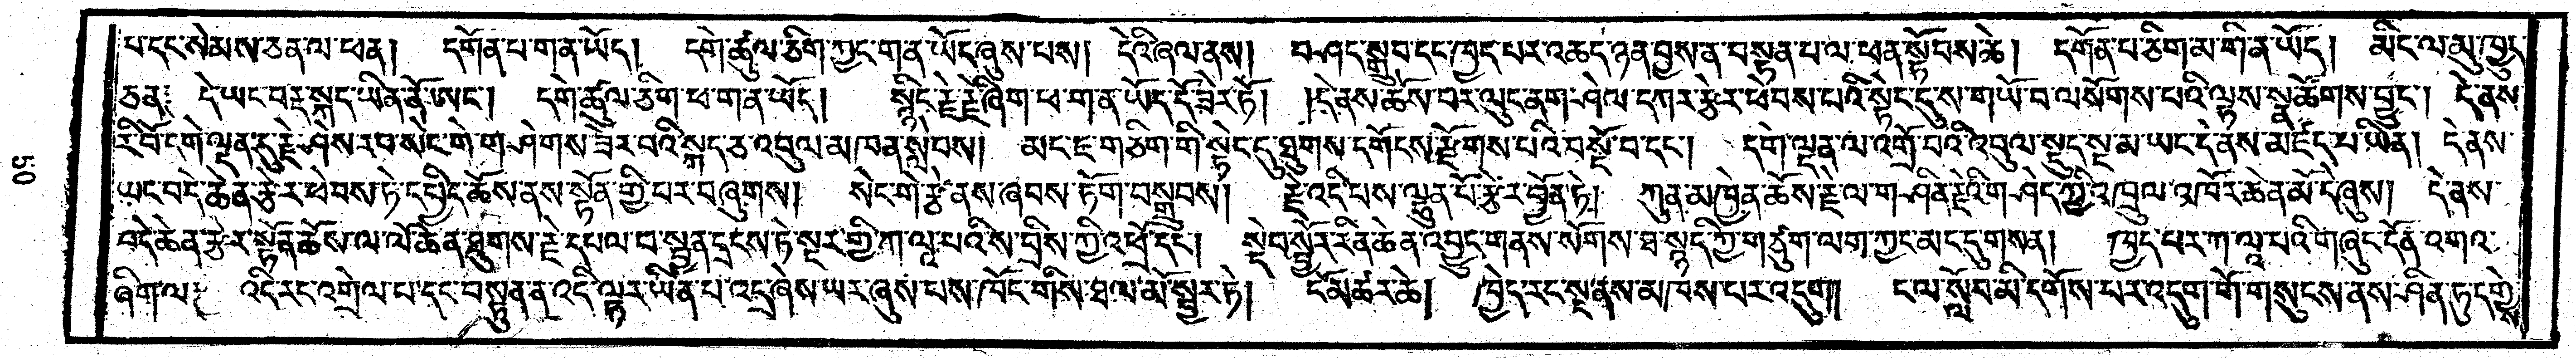པ་དང་སེམས་ཅན་ལ་ཕན། དགོན་པ་གན་ཡོད། དགེ་ཚུལ་ཅིག་ཀྱང་ག་ན་ཡོད་ཞུས་པས། དེའི་ཞལ་ནས། བཤད་སྒྲུབ་དང་ཁྱད་པར་འཆད་ཉན་བྱས་ན་བསྟན་པ་ལ་ཕན་སྟོབས་ཆེ། དགོན་པ་ཅིག་མ་གི་ན་ཡོད། མིང་ལ་མུ་ཁྱུང་
ཅན༑ དེ་ཡང་བརྡ་སྐད་ཡིན་ནོ་ཨང་། དགེ་ཚུལ་ཅིག་ཕ་ག་ན་ཡོད། སྙིང་རྗེ་རྗེ་ཞིག་ཕ་ག་ན་ཡོད་དོ་ཟེར་ཏོ། །དེ་ནས་ཆོས་བར་ལུང་ནག་ཤེལ་དཀར་རྩེར་ཕེབས་པའི་སྟེང་དུ་ས་གཡོ་བ་ལ་སོགས་པའི་ལྟས་སྣ་ཚོགས་བྱུང་། དེ་ནས་
རི་བོ་དགེ་ལྡན་དུ་རྗེ་ཤེས་རབ་སེང་གེ་གཤེགས་ཟེར་བའི་སྐད་ཅ་འབུལ་མཁན་སླེབས། མང་ཇ་གཅིག་གི་སྟེང་དུ་ཐུགས་དགོངས་རྫོགས་པའི་བསྔོ་བ་དང་། དགེ་ལྡན་ལ་འགྲོ་བའི་འབུལ་སྡུད་སྔ་མ་ཡང་དེ་ནས་མཛེས་པ་ཡིན། དེ་ནས་
ཡང་བདེ་ཆེན་རྩེར་ཕེབས་ཏེ་དབྱིད་ཆོས་ནས་སྟོན་གྱི་བར་བཞུགས། སེང་གེ་རྩེ་ནས་ཞབས་ཏོག་བསྒྲུབས། རྗེ་འདི་པས་ལྷུན་པོ་རྩེར་བྱོན་ཏེ། ཀུན་མཁྱེན་ཆོས་རྗེ་ལ་གཤིན་རྗེའི་གཤེད་ཀྱི་འཁྲུལ་འཁོར་ཆེན་མོ་དེ་ཞུས། དེ་ནས་
བདེ་ཆེན་རྩེར་སྟོན་ཆོས་ལ་ལོ་ཆེན་ཐུགས་རྗེ་དཔལ་བ་སྦྱན་དྲངས་ཏེ་སྔར་གྱི་ཀ་ལཱ་པའི་ས་བྲིས་ཀྱི་འཕྲོ་དང་། སྡེབ་སྦྱོར་རིན་ཆེན་འབྱུང་གནས་སོགས་ཐ་སྙད་ཀྱི་གཙུག་ལག་ཀྱང་མང་དུ་གསན། ཁྱད་པར་ཀ་ལཱ་པའི་གཞུང་དོན་འགའ་
ཞིག་ལ༑ འདི་རང་འགྲེལ་པ་དང་བསྟུན་ན་འདི་ལྟར་ཡིན་པ་འདྲ་ཞེས་ཡར་ཞུས་པས་ཁོང་གིས་ཐལ་མོ་སྦྱར་ཏེ། ངོ་མཚར་ཆེ། ཁྱེད་རང་སྔ་ནས་མཁས་པར་འདུག། ང་ལ་སློབ་མི་དགོས་པར་འདུག་གོ་གསུངས་ནས་ཤིན་ཏུ་དགྱེས་